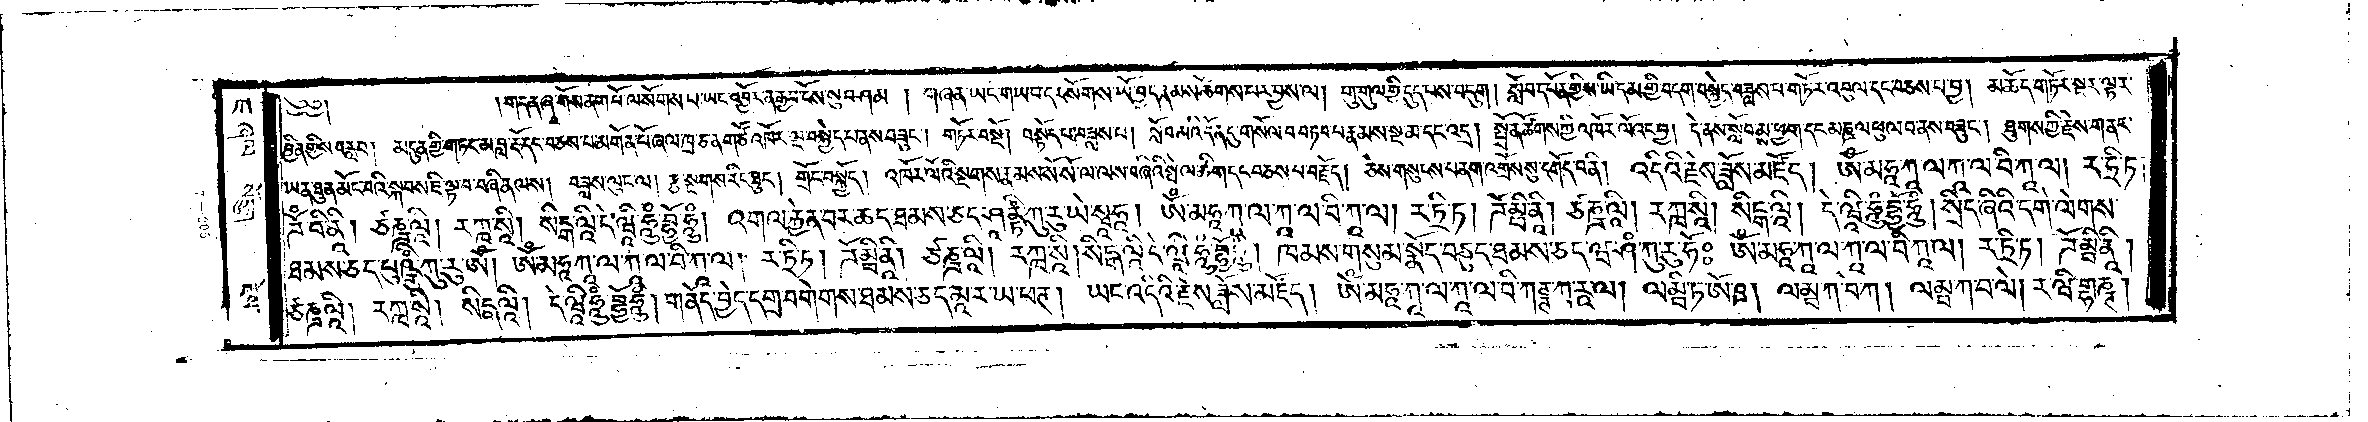༄༅། །གདན་ཞྭ་གོས་ནག་པོ་ལ་སོགས་པ་ཡང་འབྱོར་ན་རྒྱབ་ངོས་སུ་བཤམ། གཞན་ཡང་གཡབ་དར་སོགས་པོ་བྱད་རྣམས་ཚོགས་བར་བྱས་པ་ལ། གུ་གུལ་གྱི་དུད་པས་བདུག ། སློབ་དཔོན་གྱིས་ཡི་དམ་གྱི་བདག་བསྐྱེད་བཟླས་པ་གཏོར་འབུལ་དང་བཅས་པ་བྱ། མཆོད་གཏོར་སྔར་ལྟར་
བྱིན་གྱིས་བརླབ། མདུན་གྱི་གཏོར་མ་བླ་རྡོ་དང་བཏས་བ་མགོན་པོ་ཞལ་ཁྲ་ཅན་གཙོ་འཁོར་ལྔ་བསྐྱེད་པ་ནས་བཟུང་། གཏོར་བསྔོ། བསྟོད་པ། བཟླས་པ། སློབ་མའི་དོན་དུ་གསོལ་བ་བཏབ་བ་རྣམས་སྔ་མ་དང་འདྲ། སྤྲོ་ན་ཚོགས་ཀྱི་འཁོར་ལོའང་བྱ། དེ་ནས་སློབ་མས་ཕྱག་དང་མཎྜལ་འབུལ་བ་ནས་བཟུང་། ཐུགས་ཀྱི་རྗེས་གནང་
ཡུན་ཐུན་མོང་བའི་སྐབས་ཇི་ལྟ་བ་བཞིན་ལས། བླྯས་ཁུང་ལ། རྩ་སྔགས་རིང་ཐུང་། གྲོང་བསྐྱོད། འཁོར་ལོའི་སྔགས་རྣམས་སོ་སོ་ལ་ལས་བཞིའི་སྤེལ་ཚིག་དང་བས་པ་བརྗོད། ཅེས་གསུངས་པ་ནག་འགྲོས་སུ་དགོད་བ་ནི། འདིའི་རྗེས་ཟློས་མཛོད། ཨོཾ་མཧཱ་ཀཱ་ལ་ཀཱ་ལ་བི་ཀཱ་ལ། ར་ཏྲི་ཏ།
ཌོཾ་བི་མཱི། ཙཎྜ་ལཱི། རཀྑ་སཱི། སིངྒ་ལཱི་དེ་ཝཱ་ཧཱུཾ་བྷྱོ་ཧཱུཾ། འགལ་རྐྱེན་བར་ཆད་ཐམས་ཅད་ཤཱནྟི་ཀུ་རུ་ཡེ་སྭཱཧཱ། ཨོཾ་མཧཱ་ཀ་ལ་ཀཱ་ལ་བི་ཀཱ་ལ། རཏྲི་ཏ། ཌོ་མྦི་ནཱི། ཙཎྜ་ཀཱི། རཀྑ་སཱི། སིངྒ་ལཱི། དེ་ཝཱི་ཧཱུཾ་བྷྱོ་ཧཱུཾ། སྲིད་ཞིའི་དགེ་ལེགས་
ཐམས་ཅད་པུཥྚི་ཀུ་རུ་ཨོཾ། ཨོཾ་མཧཱ་ཀཱ་ལ་ཀཱ་ལ་བི་ཀཱ་ལ། ར་ཏྲི་ཏ། ཌོམྦི་ནཱི། ཙཎྜ་ལཱི། རཀྑ་སཱི། སིངྒ་ལཱི་དེ་ཝཱི་ཧཱུཾ་བྷྱོ་ཧཱུཾ། ཁམས་གསུམ་སྣོད་བཅུད་ཐམས་ཅད་ཝ་ཤཾ་ཀུ་རུ་ཧོཿ ཨོཾ་མཧཱ་ཀཱ་ལ་ཀཱ་ལ་བི་ཀཱ་ལ། རཏྲི་ཏ། ཌོམྦཾ་ནཱི།
ཙཎྜ་ལཱི། རཀྑ་སཱི། སིངྒ་ལཱི། དེ་ཝཱི་ཧཱུཾ་བྷྱོ་ཧཱུཾ། གནོད་བྱེད་དགྲ་བགེགས་ཐམས་ཅད་མཱར་ཡ་ཕཊ། ཡང་འདིའི་རྗེས་ཟློས་མཛོད། ཨོཾ་མཧཱ་ཀཱ་ལ་ཀཱ་ལ་བི་ཀཊྚ་ཀ་རཱ་ལ། ལམྦི་ཏ་ཨོཥ། ལམྦ་ཀ་བེ་ཀ། ལམྦ་ཀ་བ་ལེ། ར་ཝི་གྷཎྜ་